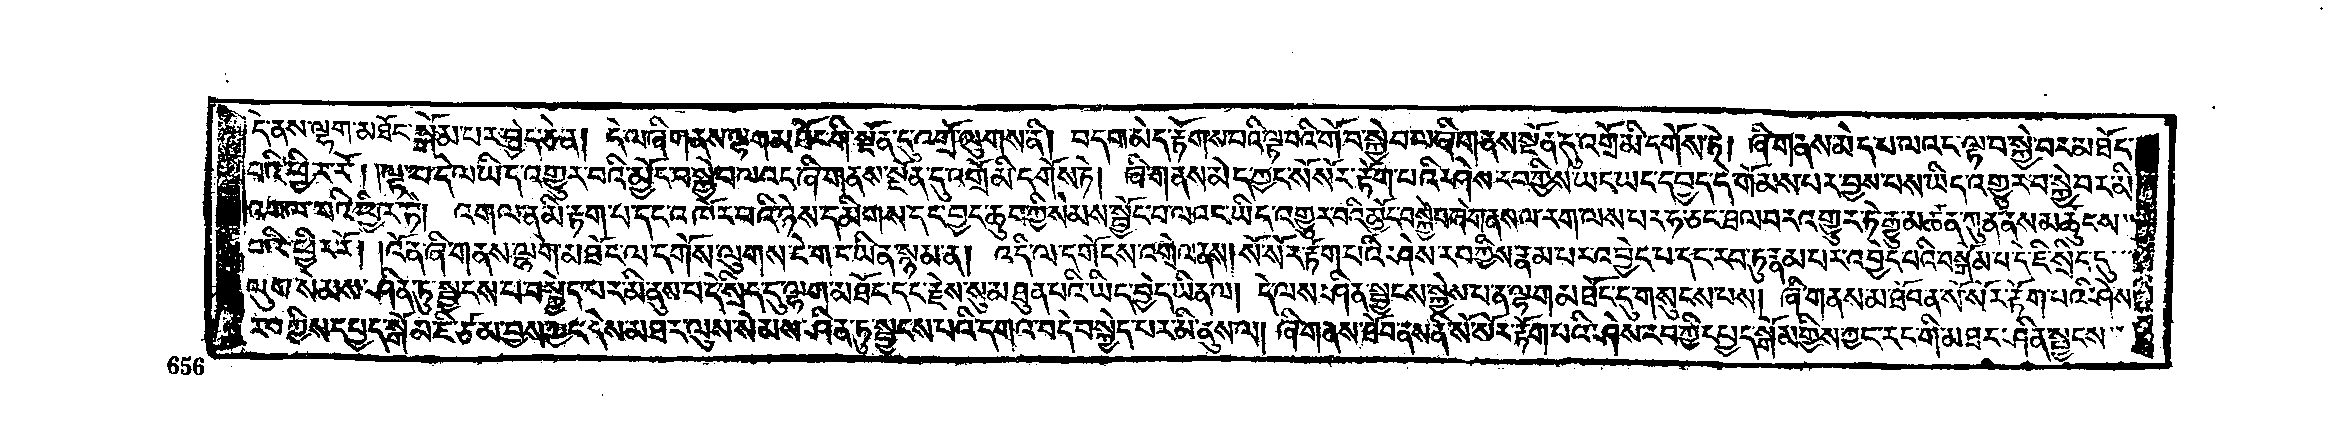དེ་ནས་ལྷག་མཐོང་སྒོམ་པར་བྱེད་ཅེ་ན། དེ་ལ་ཞི་གནས་ལྷག་མཐོང་གི་སྔོན་དུ་འགྲོ་ལུགས་ནི། བདག་མེད་རྟོགས་པའི་ལྟ་བའི་གོ་བ་སྐྱེ་བ་ལ་ཞི་གནས་སྔོན་དུ་འགྲོ་མི་དགོས་ཏེ། ཞི་གནས་མེད་པ་ལའང་ལྟ་བ་སྐྱེ་བར་མཐོང་
པའི་ཕྱིར་རོ། །ལྟ་བ་དེ་ལ་ཡིད་འགྱུར་བའི་མྱོང་བ་སྐྱེ་བ་ལའང་ཞི་གནས་སྔོན་དུ་འགྲོ་མི་དགོས་ཏེ། ཞི་གནས་མེད་ཀྱང་སོ་སོར་རྟོག་པའི་ཤེས་རབ་ཀྱིས་ཡང་ཡང་དཔྱད་དེ་གོམས་པར་བྱས་པས་ཡིད་འགྱུར་བ་སྐྱེ་བར་མི་
འགལ་བའི་ཕྱིར་ཏེ། འགལ་ན་མི་རྟག་པ་དང་འཁོར་བའི་ཉེས་དམིགས་དང་བྱང་ཆུབ་ཀྱི་སེམས་སྦྱོང་བ་ལའང་ཡིད་འགྱུར་བའི་མྱོང་བ་སྐྱེ་བ་ཞི་གནས་ལ་རག་ལས་པར་ཧ་ཅང་ཐལ་བར་འགྱུར་ཏེ་རྒྱུ་མཚན་ཀུན་ནས་མཚུངས་
པའི་ཕྱིར་རོ། །འོ་ན་ཞི་གནས་ལྷག་མཐོང་ལ་དགོས་ལུགས་དེ་གང་ཡིན་སྙམ་ན། འདི་ལ་དགོངས་འགྲེལ་ནས། སོ་སོར་རྟོག་པའི་ཤེས་རབ་ཀྱིས་རྣམ་པར་འབྱེད་པ་དང་རབ་ཏུ་རྣམ་པར་འབྱེད་པའི་བསྒོམ་པ་དེ་ཇི་སྲིད་དུ་
ལུས་སེམས་ཤིན་ཏུ་སྦྱངས་པ་བསྐྱེད་པར་མི་ནུས་པ་དེ་སྲིད་དུ་ལྷག་མཐོང་དང་རྗེས་སུ་མཐུན་པའི་ཡིད་བྱེད་ཡིན་ལ། དེ་ལས་ཤིན་སྦྱངས་སྐྱེས་པ་ན་ལྷག་མཐོང་དུ་གསུངས་པས། ཞི་གནས་མཐོབ་ན་སོ་སོར་རྟོག་པའི་ཤེས་
རབ་ཀྱིས་དཔྱད་སྒོམ་ཇི་ཙམ་བྱས་ཀྱང་དེས་མཐར་ལུས་སེམས་ཤིན་ཏུ་སྦྱངས་པའི་དགའ་བདེ་བསྐྱེད་པར་མི་ནུས་ལ། ཞི་གནས་ཐོབ་ནས་ནི་སོ་སོར་རྟོག་པའི་ཤེས་རབ་ཀྱི་དཔྱད་སྒོམ་གྱིས་ཀྱང་རང་གི་མཐར་ཤིན་སྦྱངས་